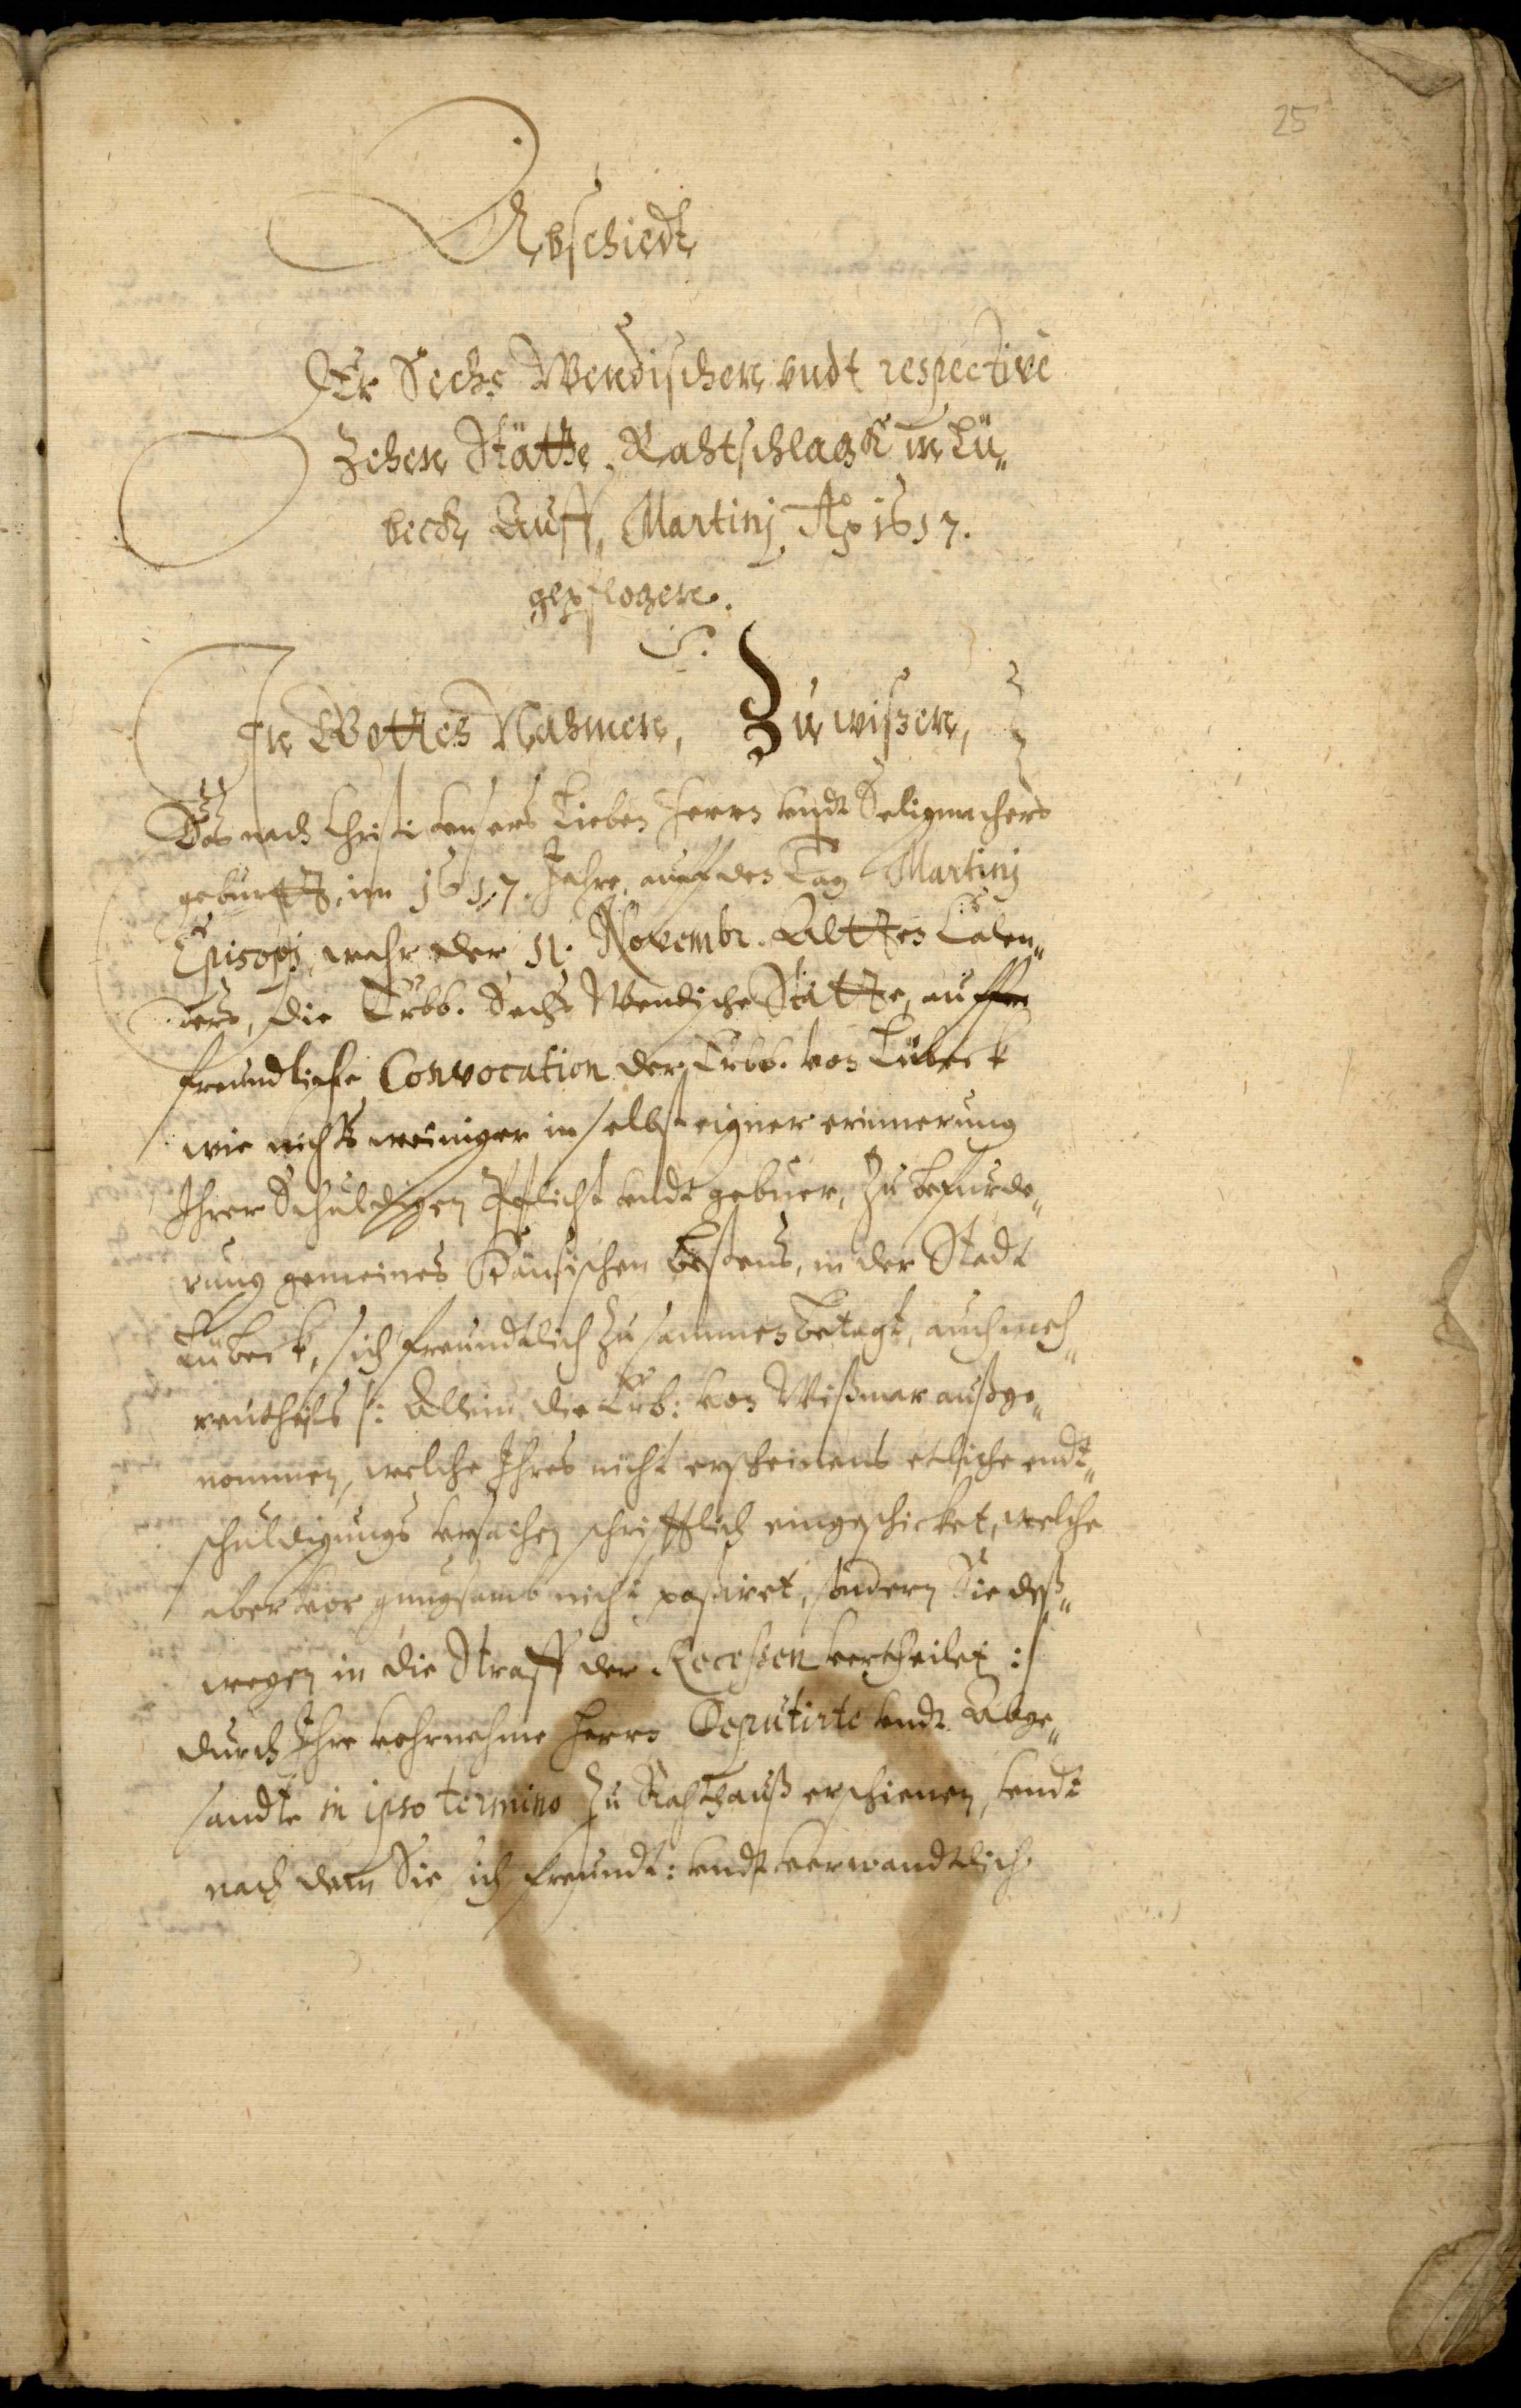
Abschiedt
Der Sechs Wendischen vndt respective
Zehen Stätte Rahtschlagk in Lü¬
beck Auff Martini Aop i617.
gepflogen.
In Gottes Nahmen, Zu wißen,
Das nach Christi Vnsers Lieben herrn vndt Seligmachers
geburth, im 1617. Iahre, auff den Tag Martinj
Episcopi, wahr der 11. Novembr. Altten Calen¬
ders, die Erbb. Sechs Wendische Stätte, auff
freundliche Convocation der Erbb. von Lübeck
wie nichts weiniger in selbsteigner erinnerung
Ihrer Schuldigen Pflicht vndt gebuer, Zu befurde¬
rung gemeines Hänsischen bestens, in der Stadt
Lübeck, sich freundtlich Zusammen betagt, auch meh¬
rentheils /: allein die Erb: von Wißmar außge¬
nommen, welche Ihres nicht erscheinens etliche endt¬
schuldigungs vrsachen schrifftlich eingeschicket, welche
aber vor gnugsamb nicht paßiret, sondern Sie deß¬
wegen in die Straff der Recessen vertheilet :/
durch Ihre vohrnehme herrn Deputirte vndt Abge¬
sandte in ipso termino Zu Rahthauß erschienen, vndt
nach dem Sie sich freundt: vndt verwandtlich
